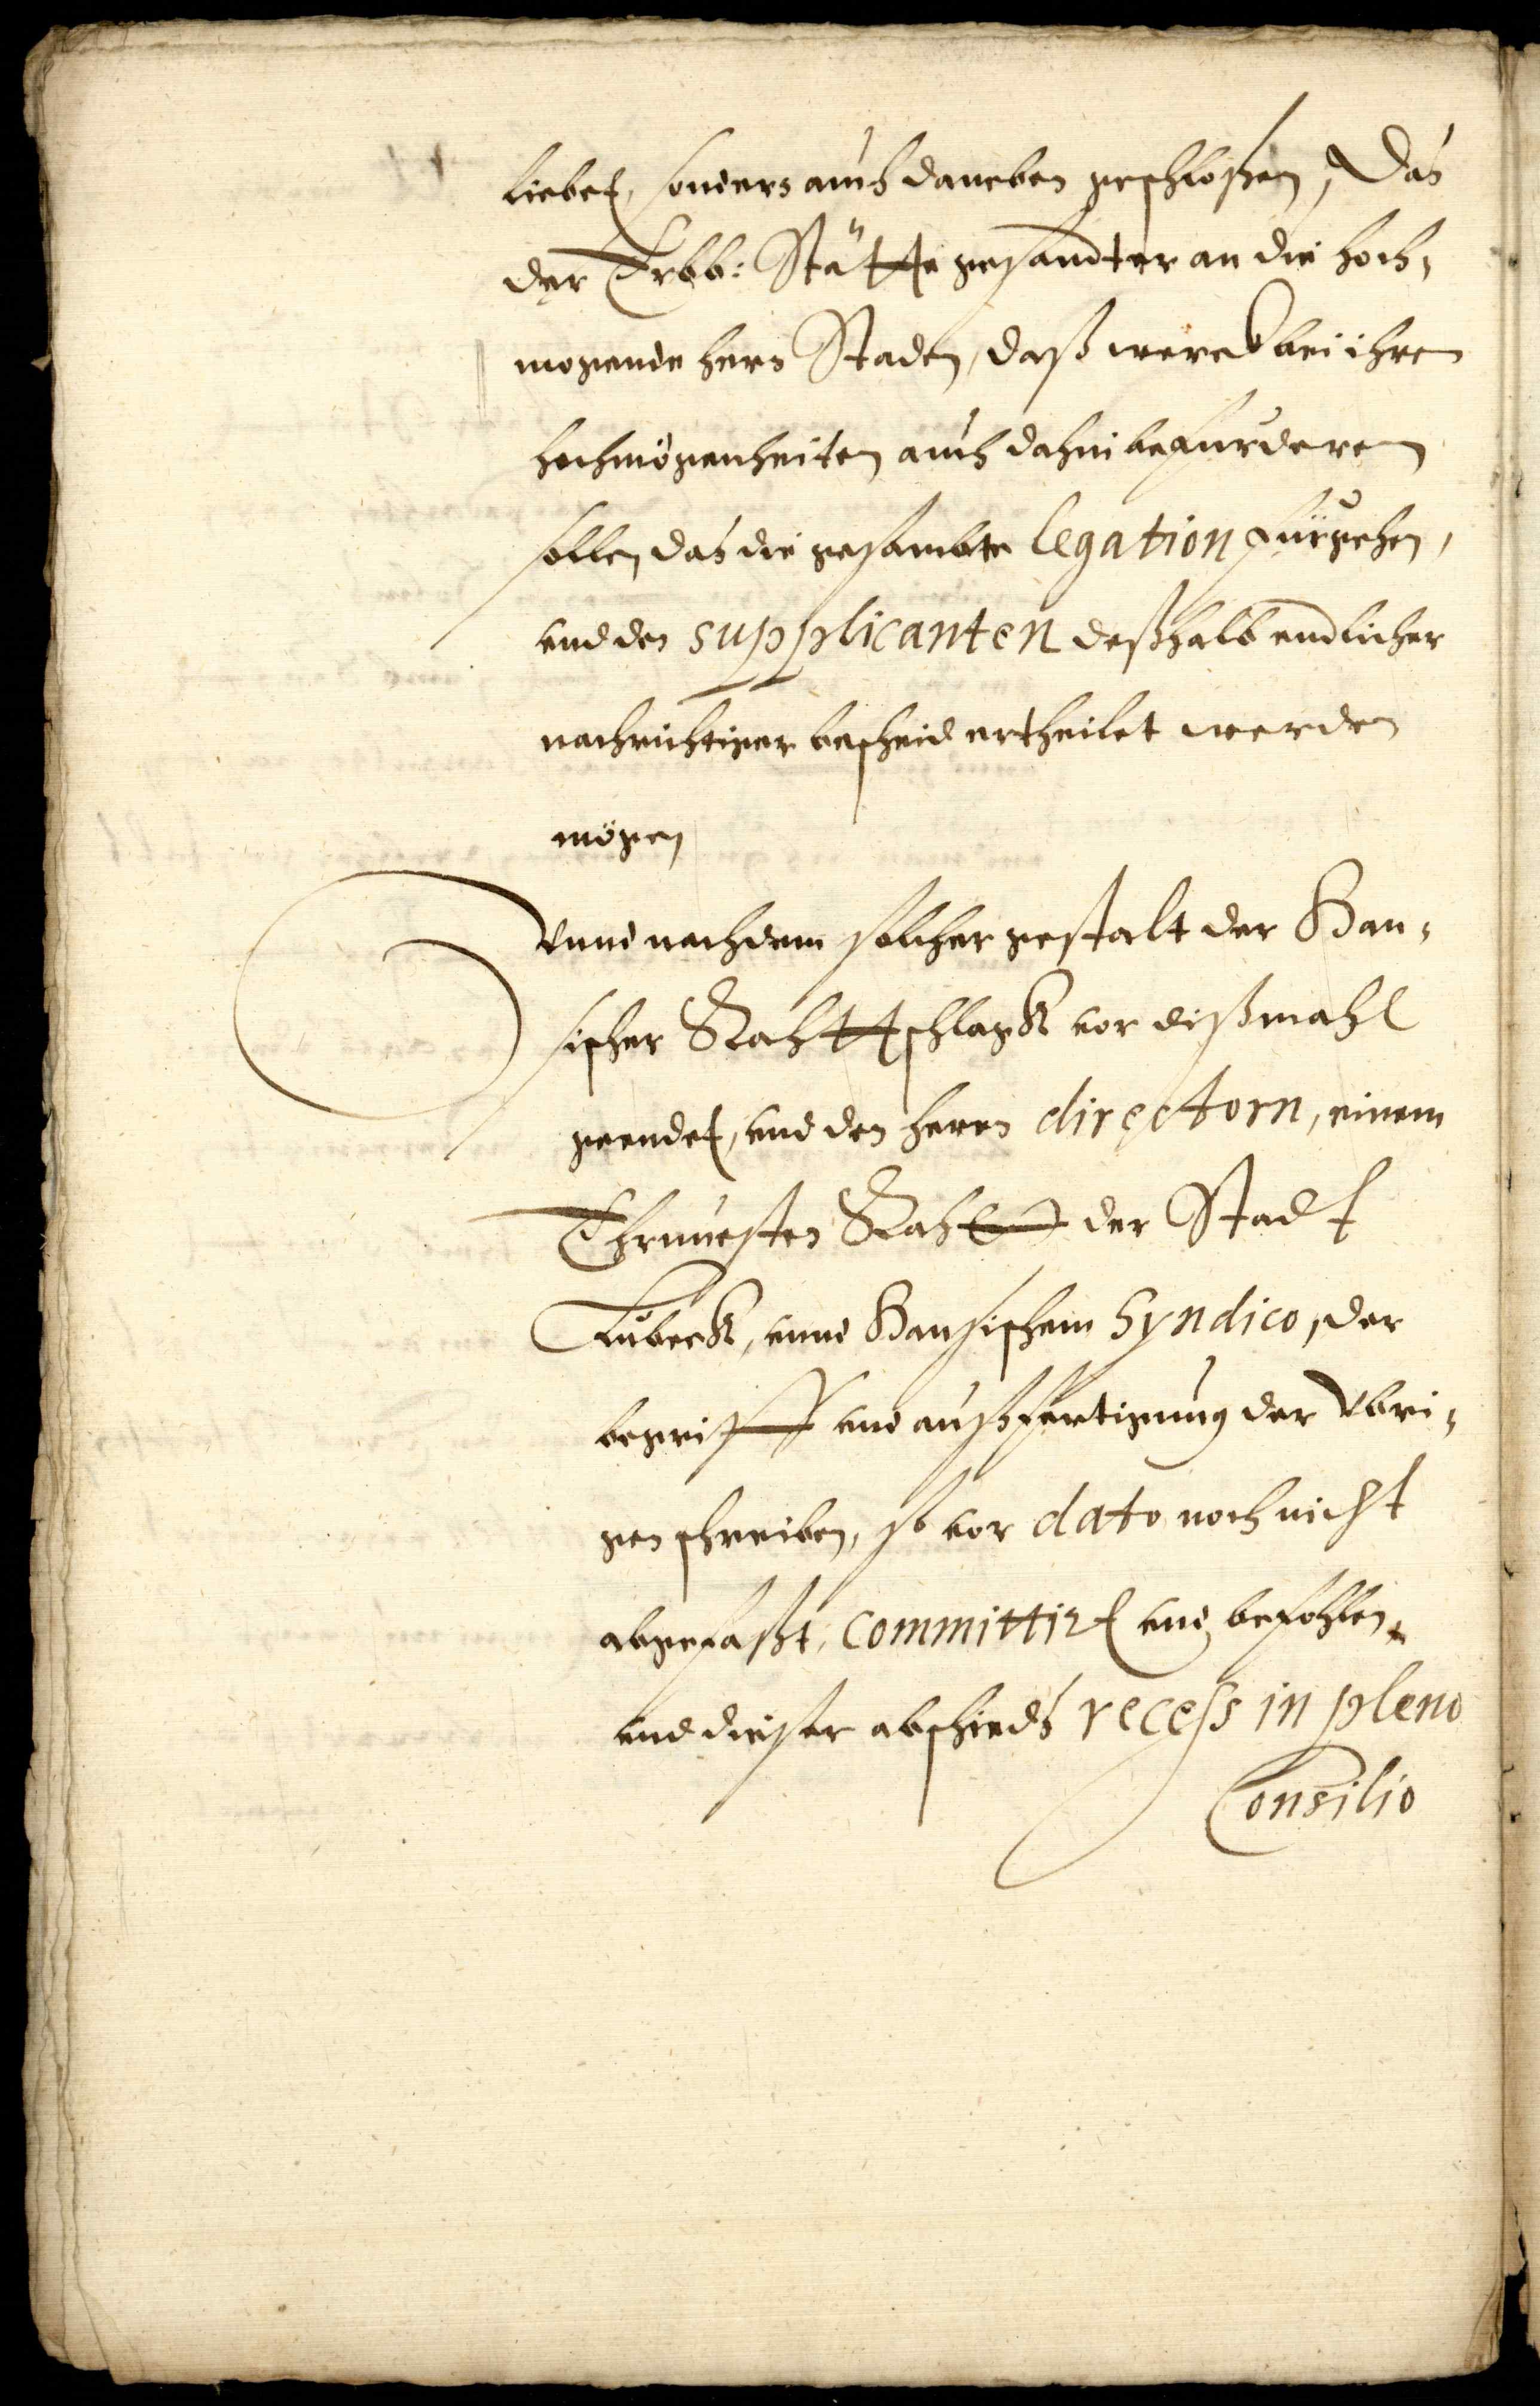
liebet, sondern auch daneben geschloßen, das
der Erbb: Stätte gesandter an die hoch¬
mogende hern Staden, daß werck bei ihren
hochmögenheiten auch dahin befurderen
solle, das die gesambte legation fürgehen,
vnd den supplicanten deßhalb endlicher
nachrichtiger bescheid ertheilet werden
möge,
Vnnd nachdem solcher gestalt der Han¬
sischer Rahttschlagk vor dißmahl
geendet, vnd den herrn directorn, einem
Ehrnuesten Rahtt der Stadt
Lubeck, vnnd Hansischem Syndico, der
begriff vnd außfertigung der Vbri¬
gen schreiben, so vor dato noch nicht
abgefaßt, committirt vnd befohlen
vnd dieser abschieds recess in pleno
Consilio
